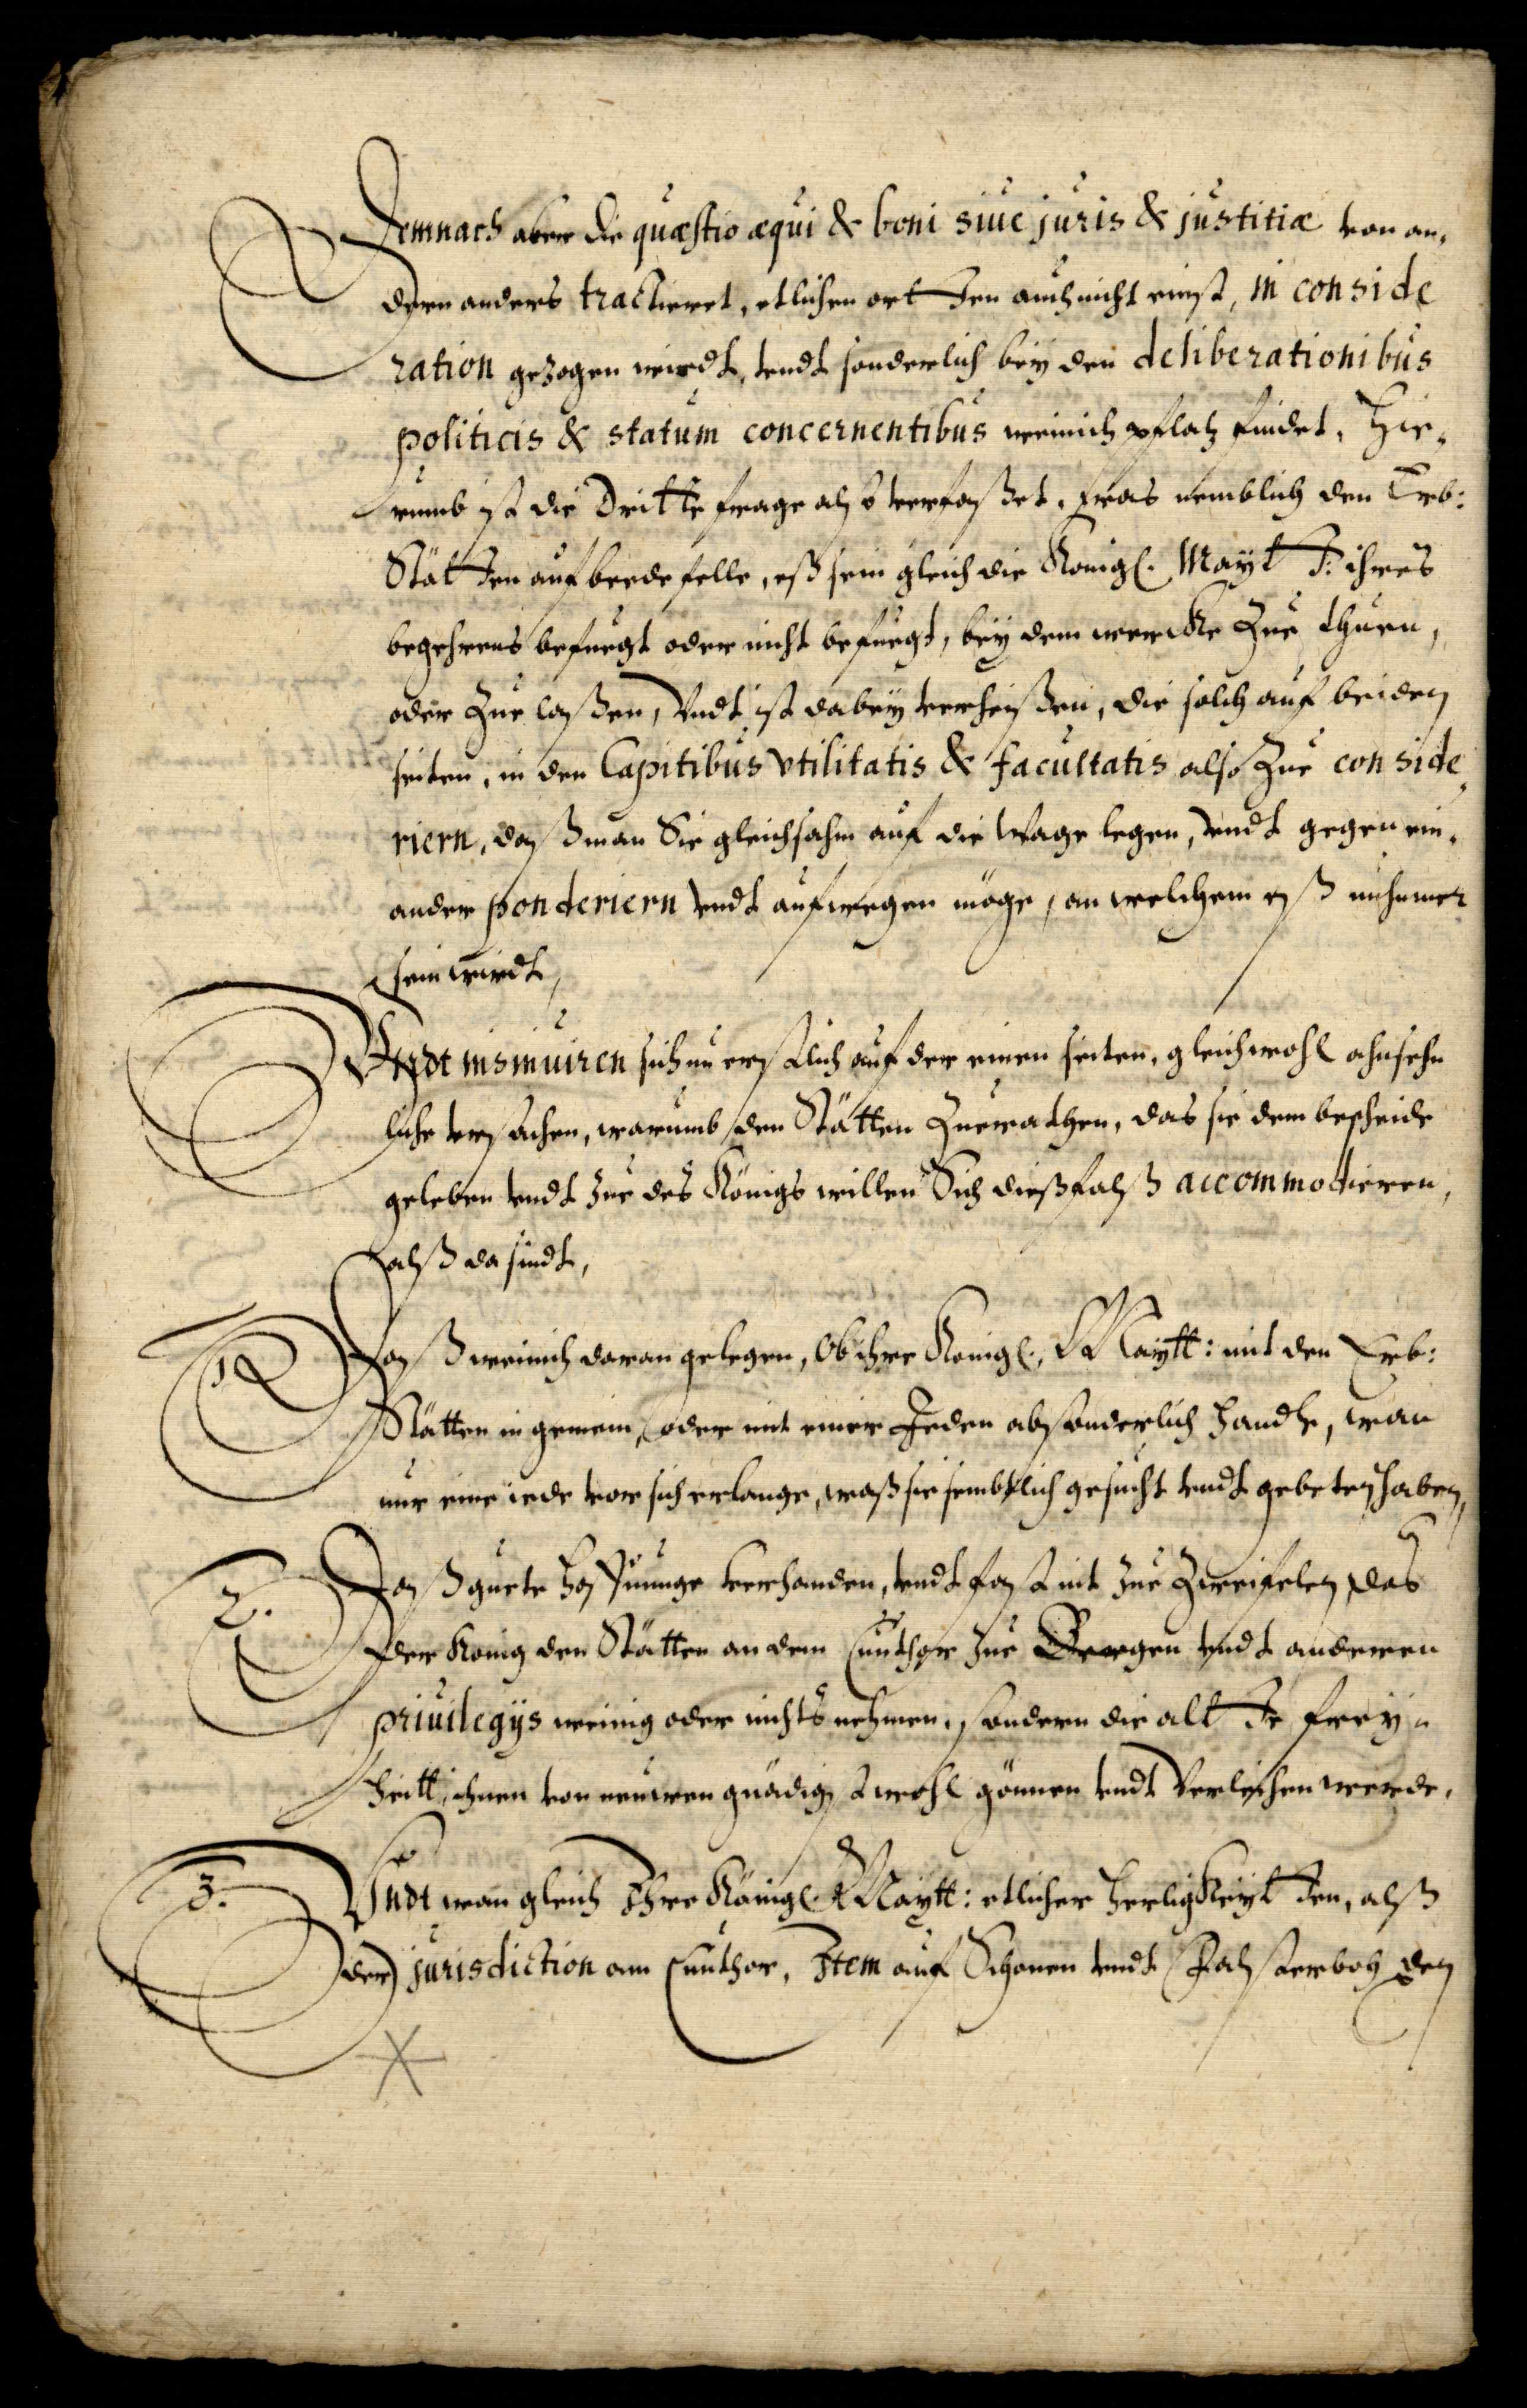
Demnach aber die quaestio aequi & boni siue juris & justitiae von an¬
dern anders tractieret, etlichen ortten auch nicht einst in conside¬
ration gezogen wirdt, vndt sonderlich beij den deliberationibus
politicis & statum concernentibus weinich pflatz findet, Hie¬
rumb ist die Dritte frage also verfaßet, was nemblich den Erb:
Stätten auf beede felle, eß sein gleich die Konigl. Maijtt. ihres
begehrens befuegt oder nicht befuegt, beij dem wercke Zue thuen,
oder Zue laßen, Vndt ist dabeij verheißen, die solch auf beiden
seiten, in den Capitibus vtilitatis & facultatis also Zue conside¬
riern, daß man Sie gleichsahm auf die wage legen, vndt gegen ein¬
ander ponderiern vndt aufwegen möge, an welchem eß nuhmmer
sein wirdt,
Vndt insinuiren sich nu erstlich auf der einen seiten, gleichwohl ahnsehn
liche vrsachen, warumb den Stätten Zuerathen, das sie dem bescheide
geleben vndt zue des Königs willen Sich dießfalß accommodieren,
alß da sindt,
Daß weinich daran gelegen, Ob ihre Konigl.Maijtt: mit den Erb:
Stätten in gemein, oder mit einer Jeden absonderlich handle, wan
nur eine iede vor sich erlange, waß sie sembtlich gesucht vndt gebeten haben,
Daß guete hoffnunge verhanden, vndt fast nit zue Zweifelen, das
der Konig den Stätten an dem Cunthor zue Bergen vndt anderen
priuilegijs weinig oder nichts nehmen, sondern die altte freij¬
heitt, ihnen von neuwen gnädigst wohl gönnen vndt Verleihen werde,
Vndt wan gleich Ihre Königl. Maijtt: etlicher herligkeijtten, alß
der jurisdiction am Cunthor, Item auf Schonen vndt Falsterboh p den
1
2.
3.
